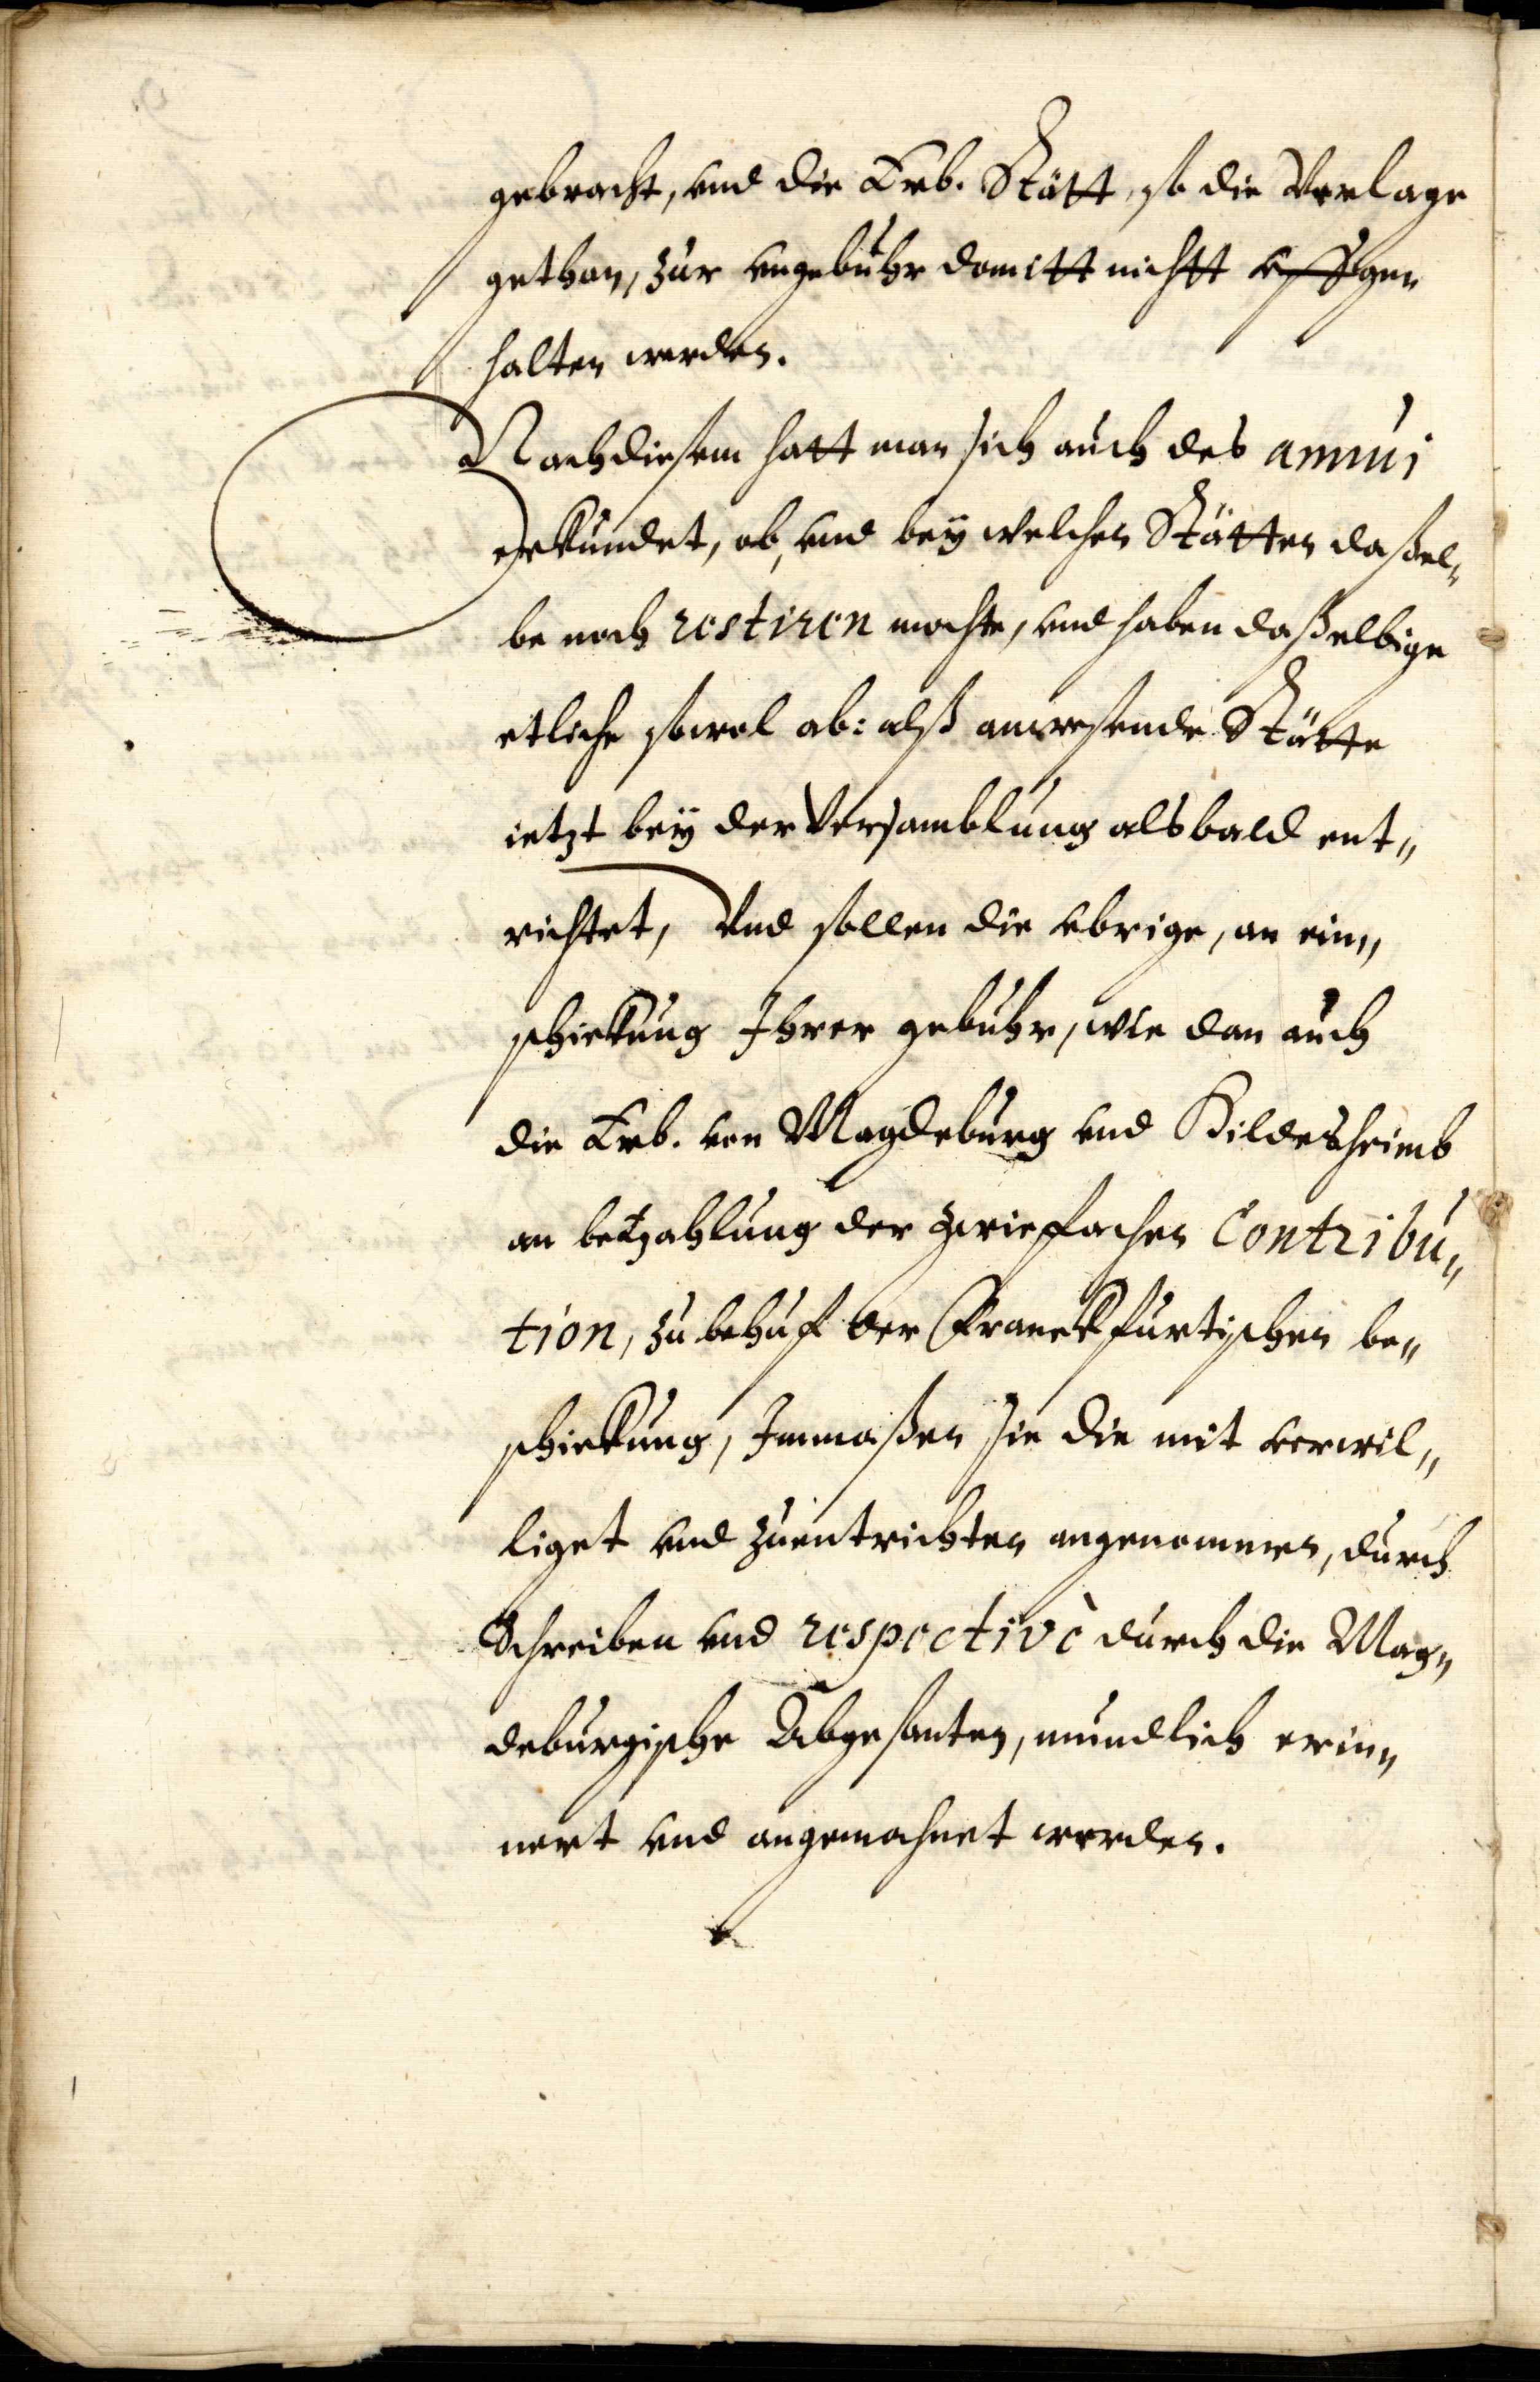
gebracht, vnd die Erb. Stätt, so die Verlage
gethan, zur vngebuhr damitt nichtt vffge¬
halten werden.
Nach diesem hatt man sich auch des annui
erkundet, ob, vnd beij welchen Stätten daßel¬
be noch restiren mochte, vnd haben daßelbige
etliche sowol ab: alß anwesende Stätte
ietzt beij der Versamblung alsbald ent¬
richtet, Vnd sollen die vbrige, an ein¬
schickung Ihrer gebuhr, wie dan auch
die Erb. von Magdeburg vnd Hildesheimb
an betzahlung der zwiefachen Contribu¬
tion, zu behuf der Franckfurtischen be¬
schickung, Immaßen sie die mit verwil¬
liget vnd zuentrichten angenommen, durch
Schreiben vnd respective durch die Mag¬
deburgische Abgesanten, mundlich erin¬
nert vnd angemahnet werden.
